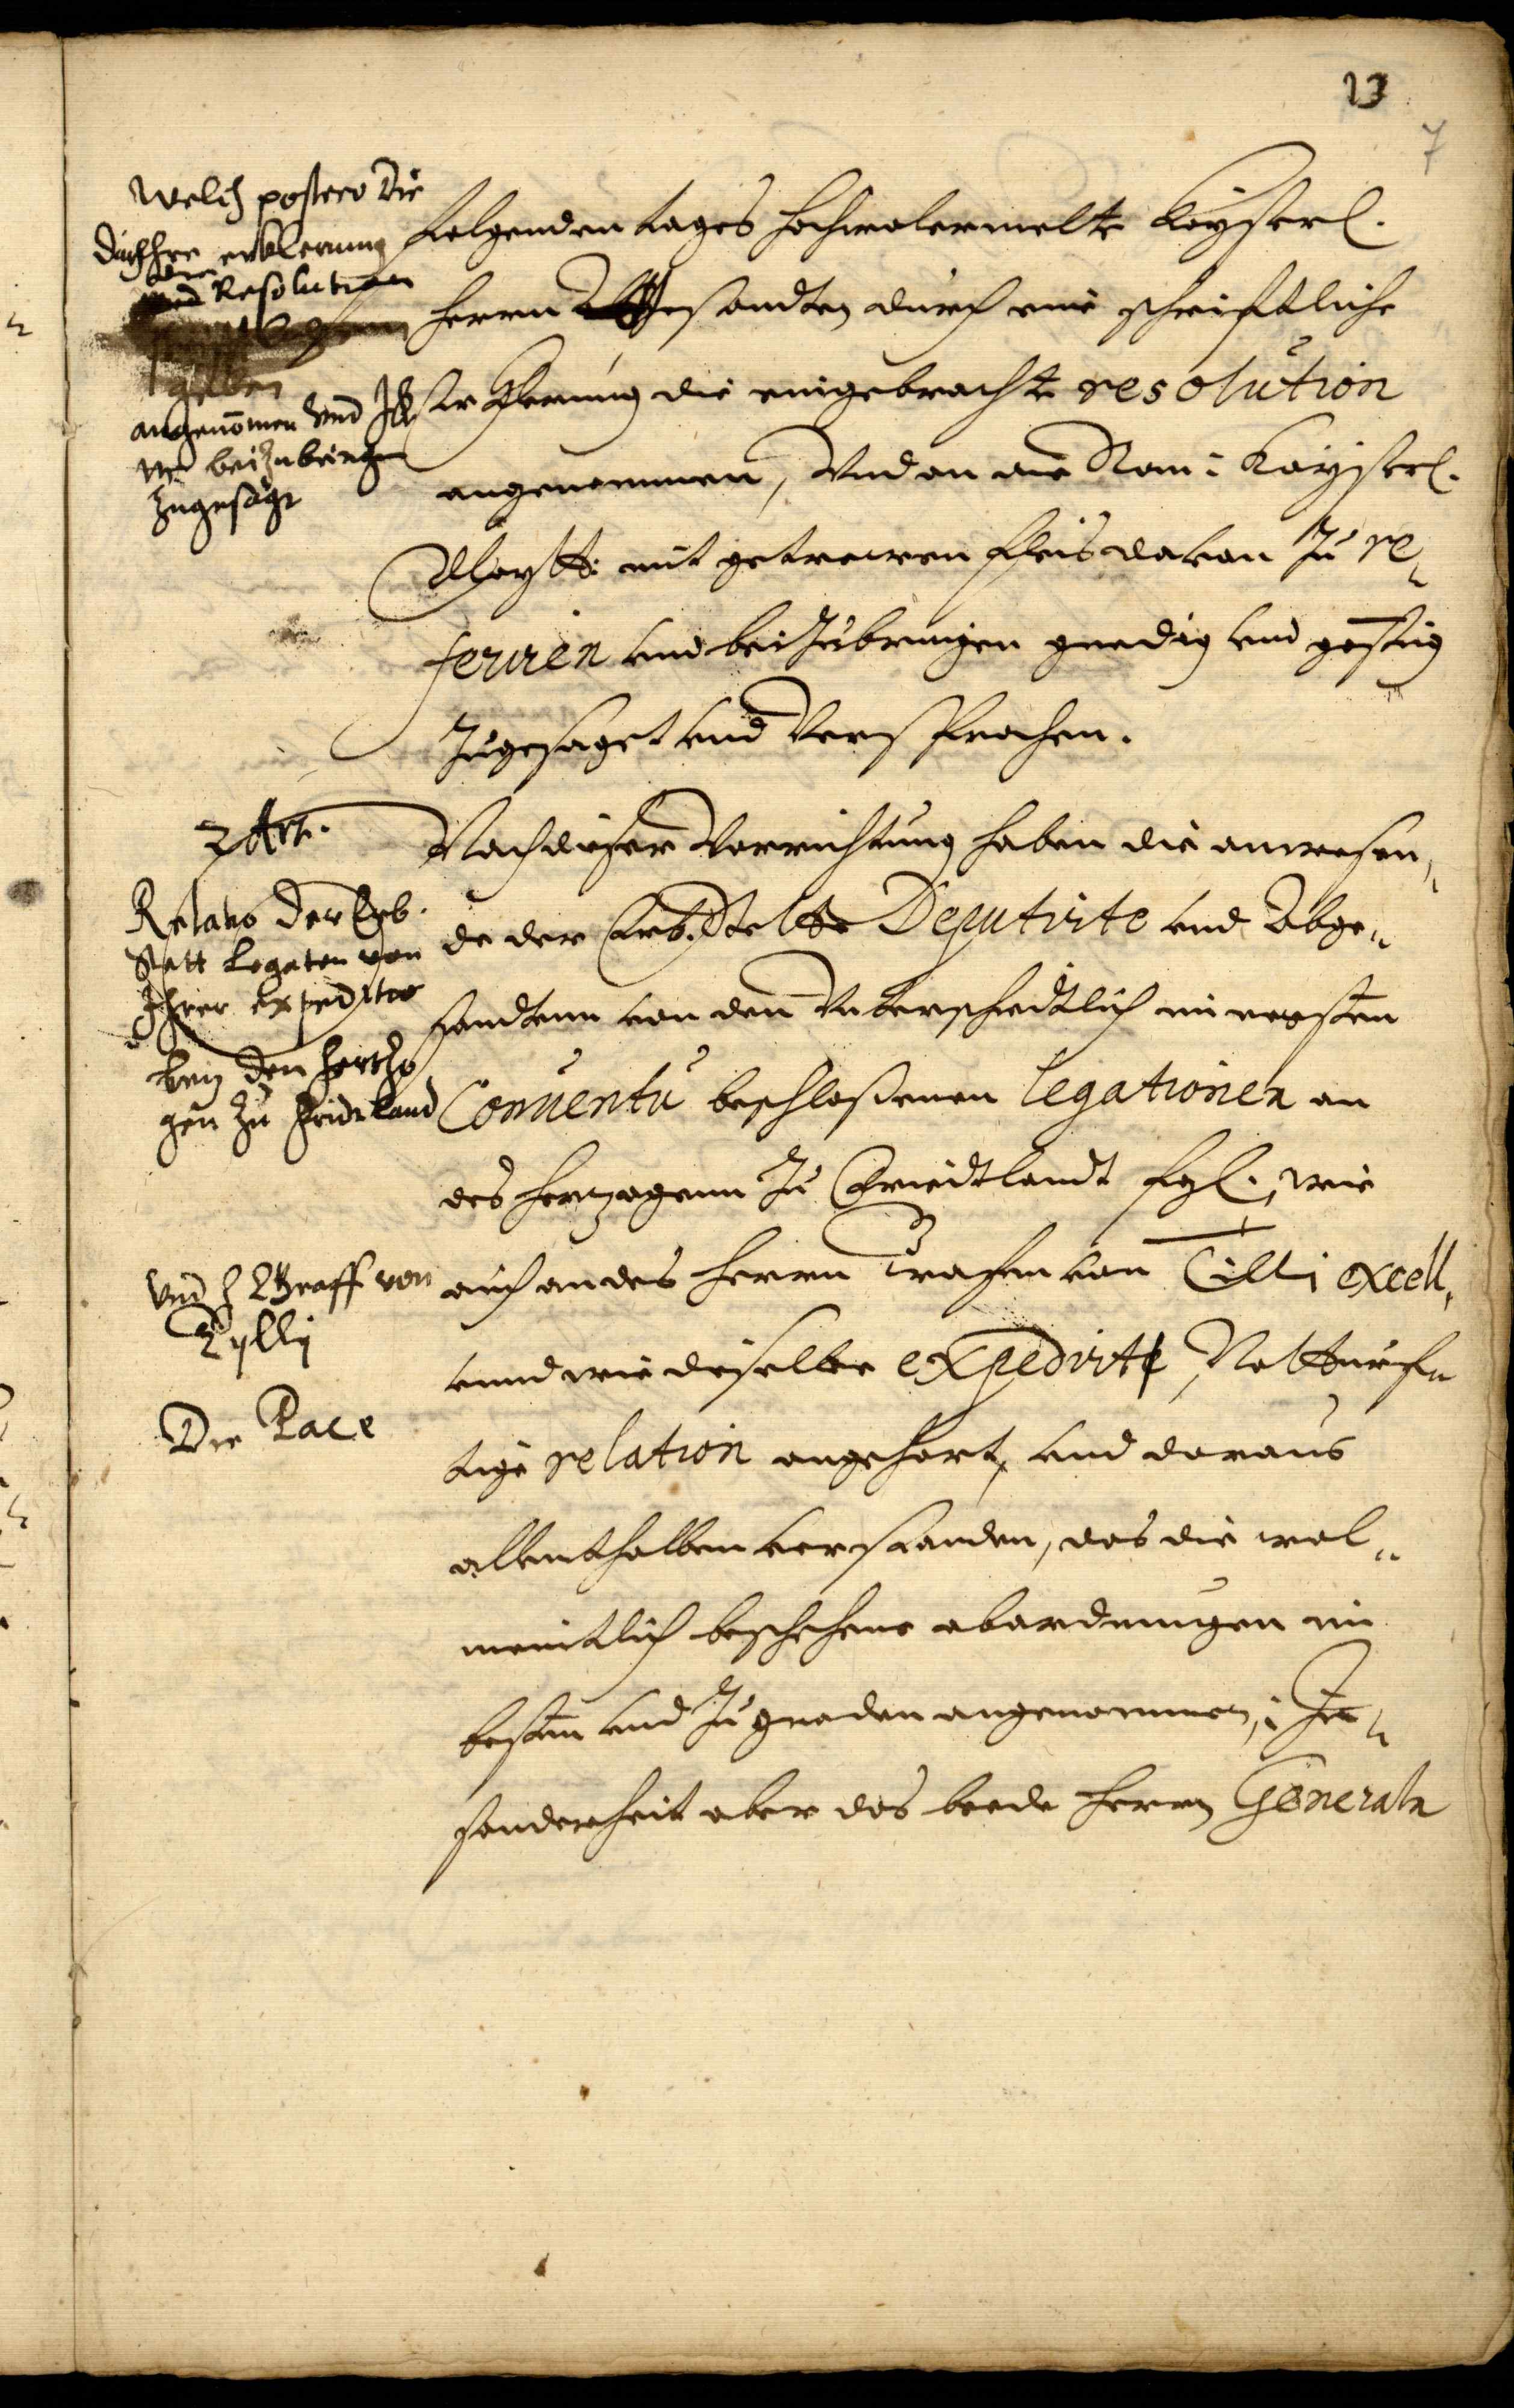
13
folgenden tages hochwolermelte Keijserl.
herrn Abgesandten durch eine schriftliche
Erklerung die eingebrachte resolution
angenommen, Vnd an die Rom: kaijserl.
Maytt: mit getrewen fleis davon zu re¬
feriren vnd beizubringen gnedig vnd genstig
zugesaget vnd Versprochen.
Welch postero die
diesser erklerung
die
vnd Resolution
schriftlichenn
geben
angenommen vnd IF
m beizubringen
zugesagt
Nach dieser Vorrichtung haben die anwesen¬
de der Erb. Stette Deputirte vnd Abge¬
sandtenn von den vnterschiedtlich im negsten
Conuentu beschloßenen legationen an
des hertzogenn zu Friedtlandt fgl., wie
auch an des herrn Grafen von Tilli excell,
vnnd wie dieselbe expedirte, Notturf¬
tige relation angehort, vnd doraus
allenthalben verstanden, das die wol¬
meintlich beschehene abordnungen im
besten vnd zu gnaden angenommen,: In¬
sonderheit aber das beede herrn Generaln
2. Art.
Relatio der Erb.
Stett Legaten von
Ihrer Expeditor
bey den hertzo
gen zu Fridtland
Vnd h Graff von
Tylly
Die Pace
